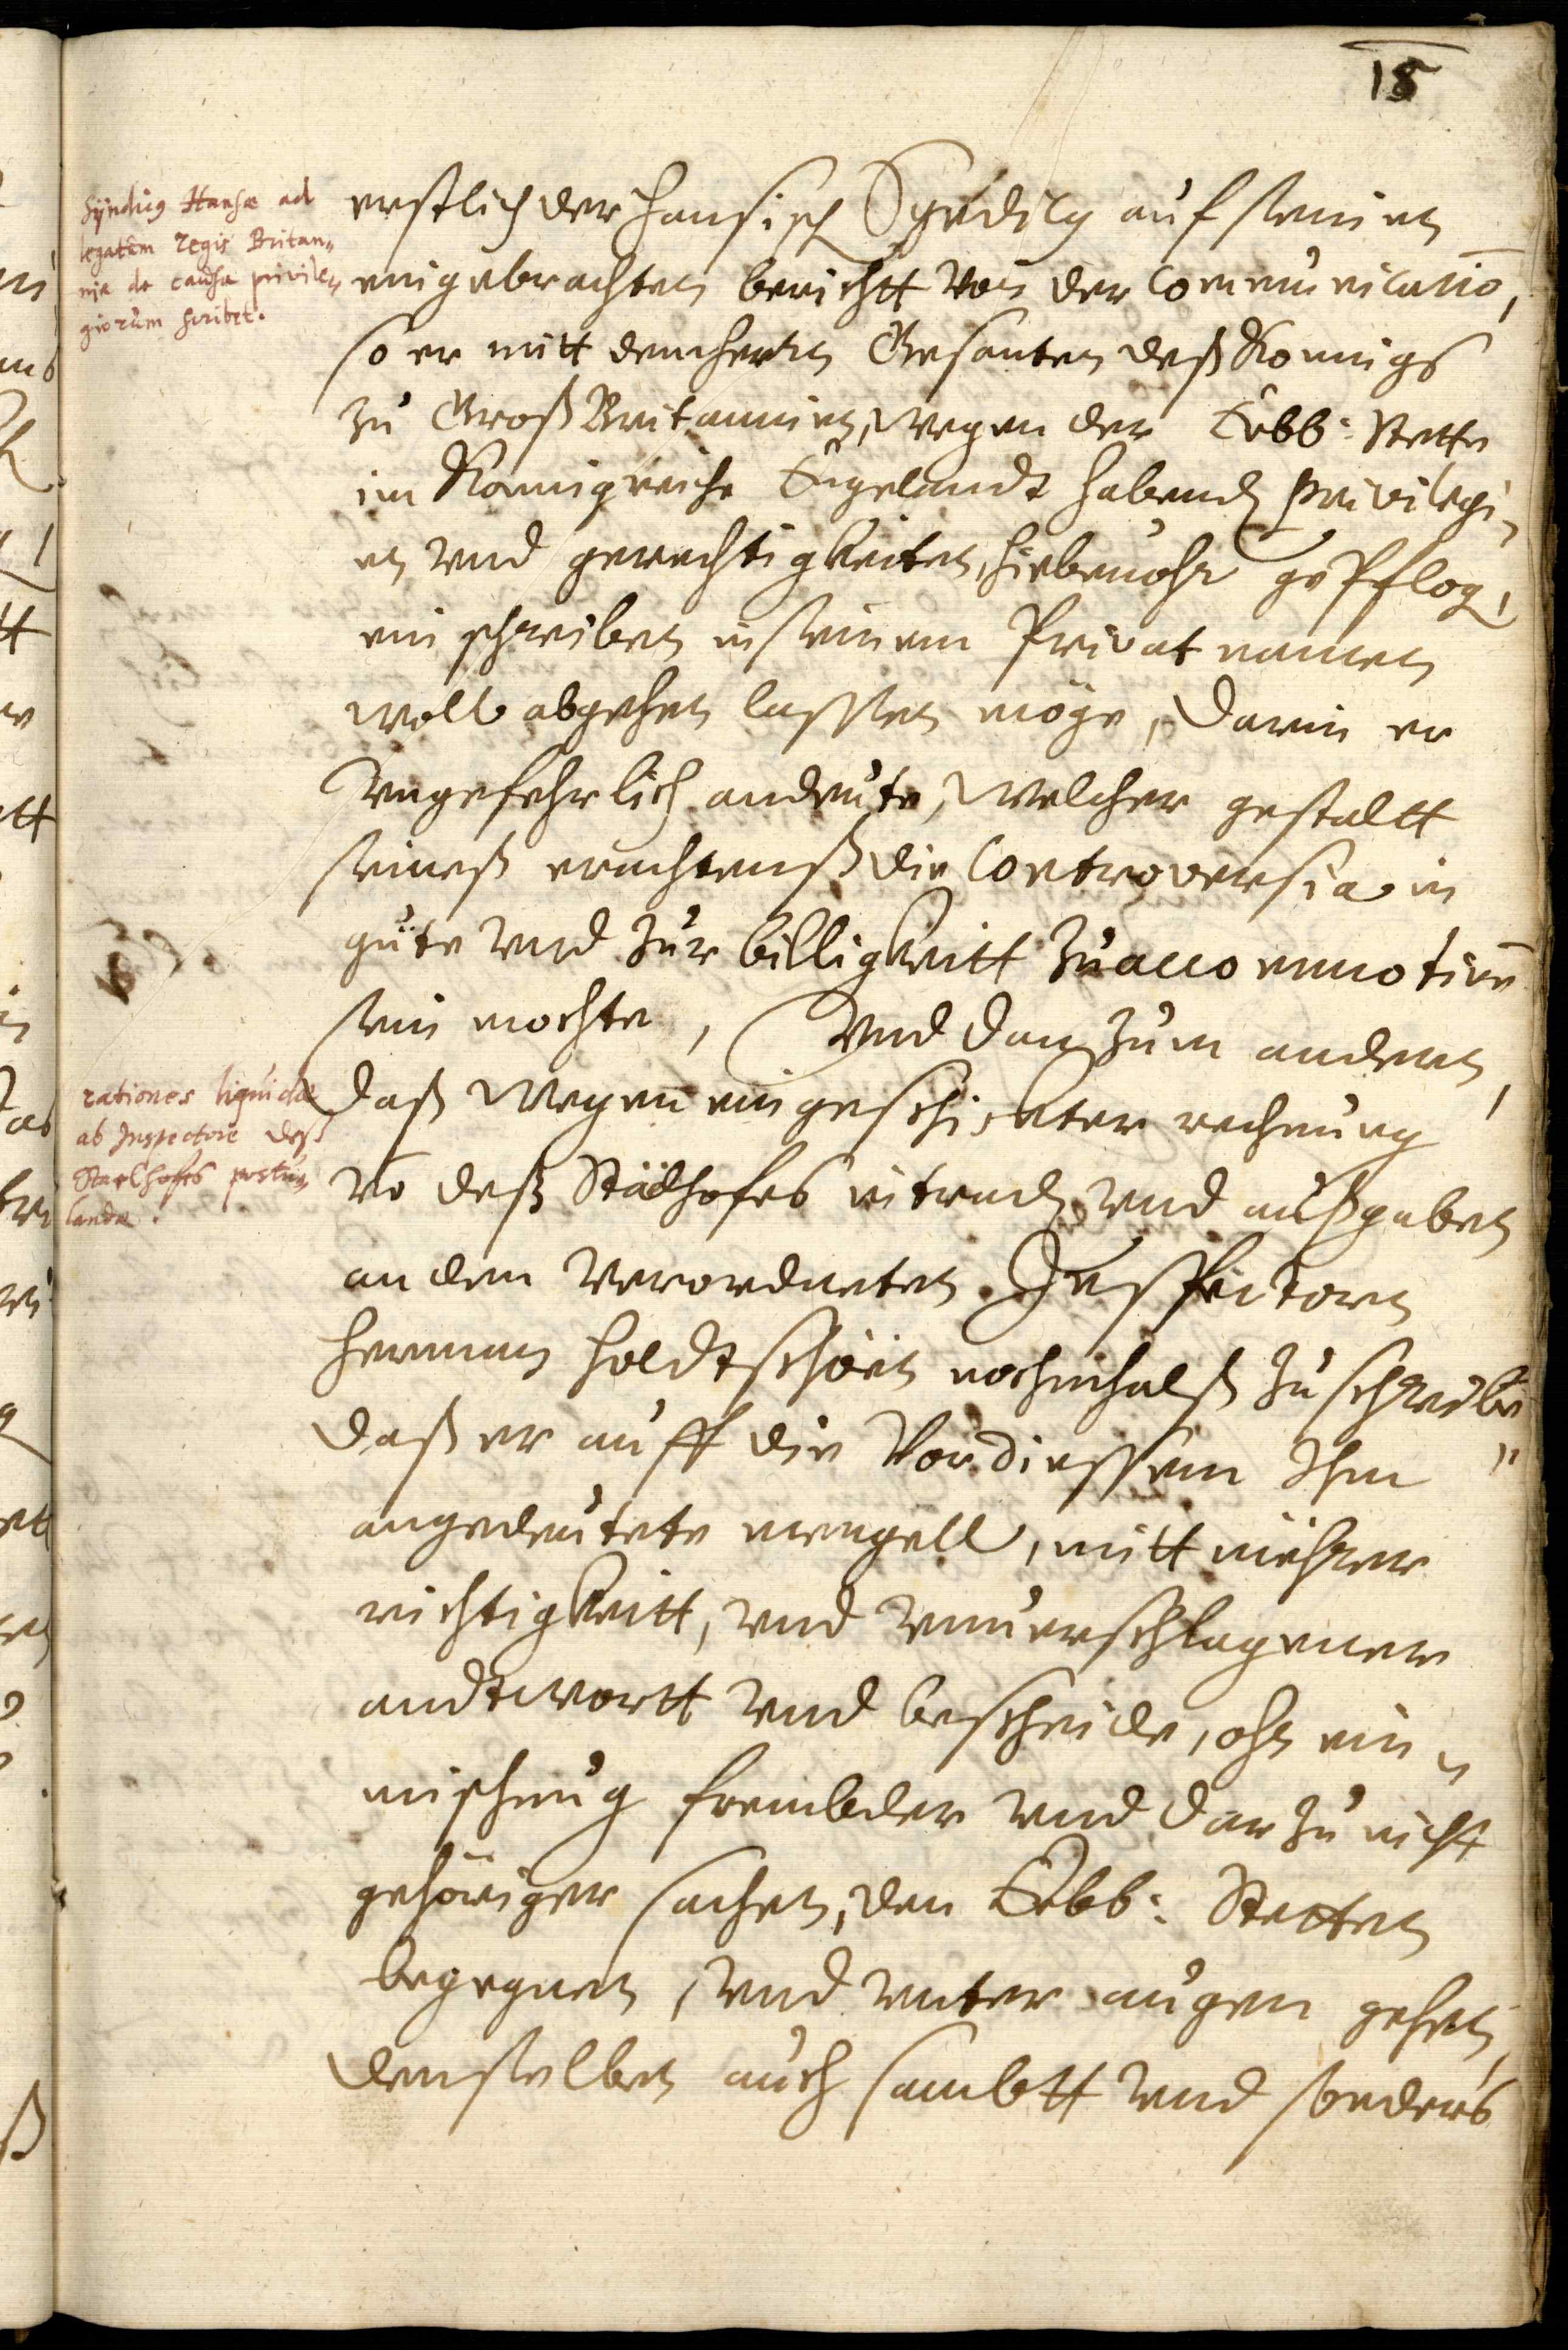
15
Sijndicus Hansae ad
legatem regis Britan¬
niae de causa privile¬
giorum scribet.
erstlich der Hansischen Syndicus auf seinen
eingebrachten bericht von der communication,
so er mitt dem herrn Gesanten deß Konnigs
zu Groß Britannien, wegen der Erbb: Stette
im Konnigreiche Engelandt habenden privilegi¬
en vnd gerechtigkeiten, hiebeuohr gepflogen,
ein schreiben in seinem Privat namen
woll abgehen lassen möge, darin er
vngefehrlich andeute, welcher gestaltt
seineß erachtenß die Controversia in
gute vnd zur billigkeitt zu accommodiren
sein mochte, vnd dan zum andern,
daß wegen ein geschickter rechnung
von deß Staelhofes intraden vnd außgaben
an den verordneten Inspectorn
Herman Holdtschoen nochmhalß zu schreiben
daß er auff die Vor diessem Ihm
angedeutete mengell, mitt mehrer
richtigkeitt, vnd vnuerschlagener
andtwortt vnd bescheide, ohn ein¬
mischung frembder vnd darzu nicht
gehöriger sachen, den Erbb: Stetten
begegnen, vnd vnter augen geseh,
denselben auch sambtt vnd sonders
rationes liquidae
ab Inspectore des
Staelhofes postu¬
landae.
